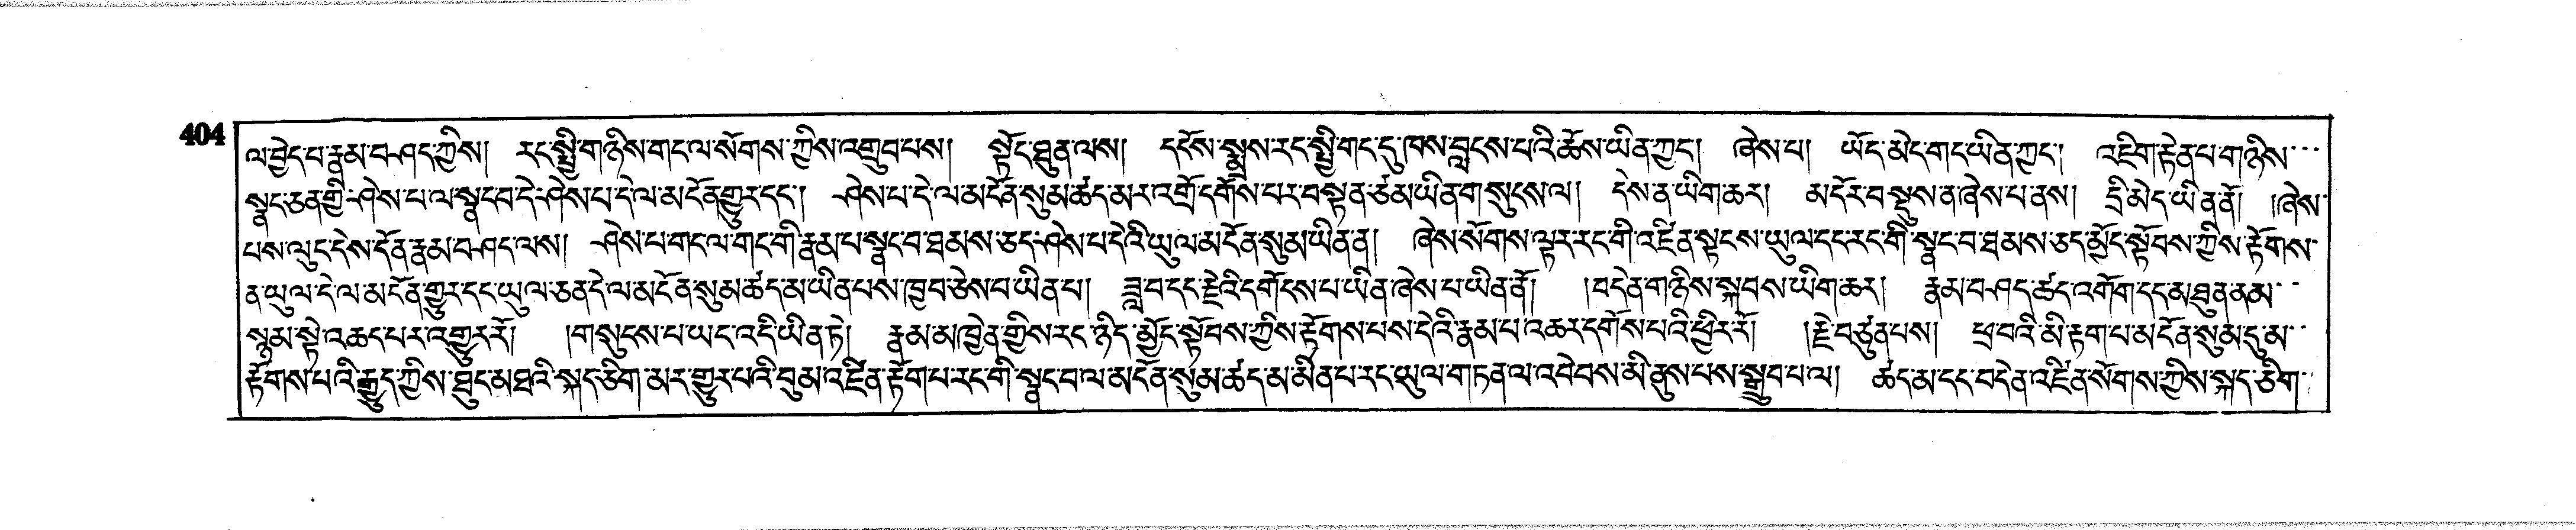ལ་བྱེད་པ་རྣམ་བཤད་ཀྱིས། རང་སྤྱི་གཉིས་གང་ལ་སོགས་ཀྱིས་འགྲུབ་པས། སྟོང་ཐུན་ལས། དངོས་སྨྲས་རང་སྤྱི་གང་དུ་ཁས་བླངས་པའི་ཆོས་ཡིན་ཀྱང་། ཞེས་པ། ཡོད་མེད་གང་ཡིན་ཀྱང་། འཇིག་རྟེན་པ་གཉིས་
སྣང་ཅན་གྱི་ཤེས་པ་ལ་སྣང་བ་དེ་ཤེས་པ་དེ་ལ་མངོན་གྱུར་དང་། ཤེས་པ་དེ་ལ་མངོན་སུམ་ཚད་མར་འགྲོ་དགོས་པར་བསྟན་ཙམ་ཡིན་གསུངས་ལ། དེས་ན་ཡིག་ཆར། མདོར་བསྡུས་ན་ཞེས་པ་ནས། དྲི་མེད་ཡིན་ནོ། །ཞེས་
པས་ལུང་དེས་དོན་རྣམ་བཤད་ལས། ཤེས་པ་གང་ལ་གང་གི་རྣམ་པ་སྣང་བ་ཐམས་ཅད་ཤེས་པ་དེའི་ཡུལ་མངོན་སུམ་ཡིན་ན། ཞེས་སོགས་ལྟར་རང་གི་འཛིན་སྟངས་ཡུལ་དང་རང་གི་སྣང་བ་ཐམས་ཅད་མྱོང་སྟོབས་ཀྱིས་རྟོགས་
ན་ཡུལ་དེ་ལ་མངོན་གྱུར་དང་ཡུལ་ཅན་དེ་ལ་མངོན་སུམ་ཚད་མ་ཡིན་པས་ཁྱབ་ཅེས་པ་ཡིན་པ། ཟླ་བ་དང་རྗེའི་དགོངས་པ་ཡིན་ཞེས་པ་ཡིན་ནོ། །བདེན་གཉིས་སྐབས་ཡིག་ཆར། རྣམ་བཤད་ཚད་འགོག་དང་མཐུན་ནམ་
སྙམ་སྟེ་འཆད་པར་འགྱུར་རོ། །གསུངས་པ་ཡང་འདི་ཡིན་ཏེ། རྣམ་མཁྱེན་གྱིས་རང་ཉིད་མྱོང་སྟོབས་ཀྱིས་རྟོགས་པས་དེའི་རྣམ་པ་འཆར་དགོས་པའི་ཕྱིར་རོ། །རྗེ་བཙུན་པས། ཕྲ་བའི་མི་རྟག་པ་མངོན་སུམ་དུ་མ་
རྟོགས་པའི་རྒྱུད་ཀྱིས་ཐུང་མཐའི་སྐད་ཅིག་མར་གྱུར་པའི་བུམ་འཛིན་རྟོག་པ་རང་གི་སྣང་བ་ལ་མངོན་སུམ་ཚད་མ་མིན་པ་རང་ཡུལ་གཏན་ལ་འབེབས་མི་ནུས་པས་སྒྲུབ་པ་ལ། ཚད་མ་དང་བདེན་འཛིན་སོགས་ཀྱིས་སྐད་ཅིག་